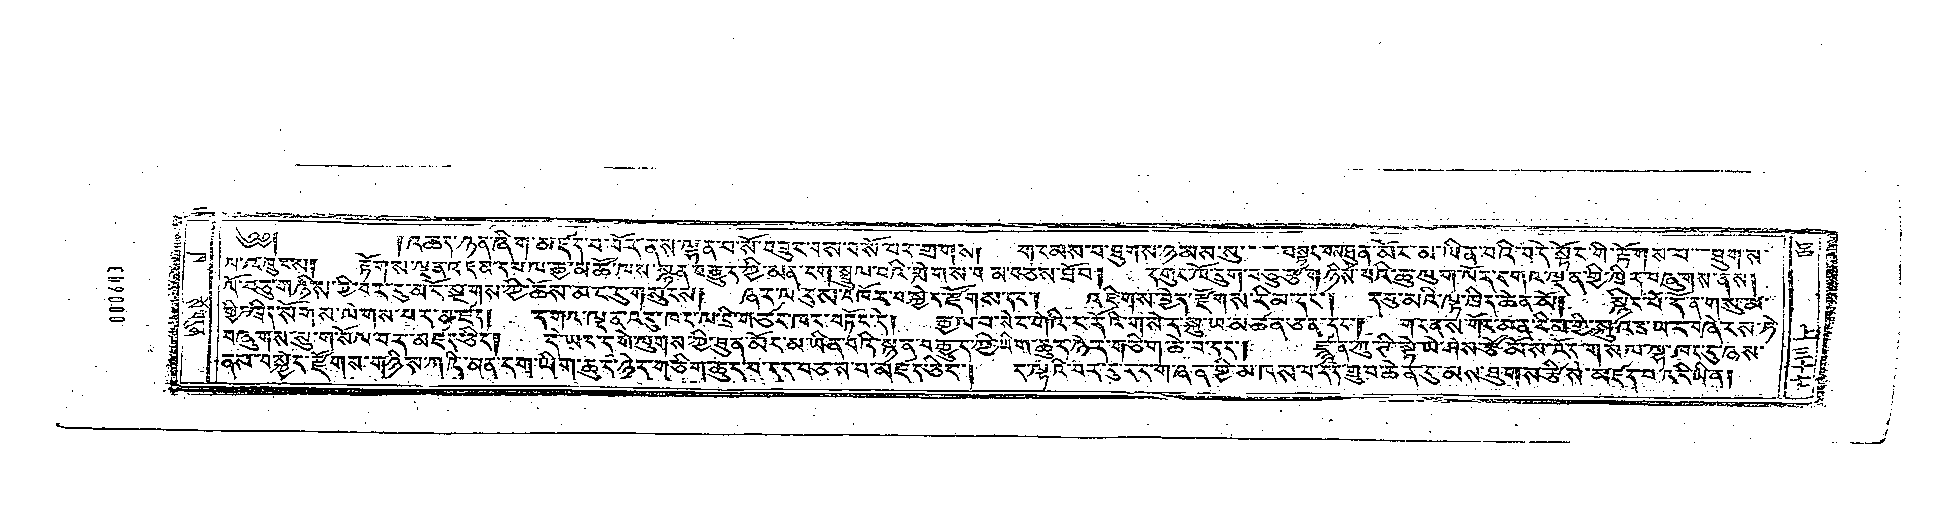༄༅། །འཆད་ཉན་ཞིག་མཛད་བ་བོར་ནས་ལྷན་བ་སོ་བཟུང་བས་བ་སོ་བར་གྲགས། གདམས་པ་ཐུགས་ཉམས་སུ་བསྟར་བས་ཐུན་མོང་མ་ཡིན་པའི་བདེ་སྟོང་གི་རྟོགས་པ་ཐུགས་
ལ་འཁྲུངས། རྟོགས་ལྡན་འཇམ་དཔལ་རྒྱ་མཚོ་ལས་སྙན་བརྒྱུད་ཀྱི་མན་ངག་སྤྲུལ་བའི་གླེགས་བམ་བཅས་ཐོབ། དགུང་ལོ་དྲུག་བཅུ་རྩ་གཉིས་པའི་ཆུ་ལུག་ལོར་དགའ་ལྡན་གྱི་ཁྲིར་བཞུགས་ནས།
ལོ་བཅུ་གཉིས་ཀྱི་བར་དུ་མདོ་སྔགས་ཀྱི་ཆོས་མང་དུ་གསུངས། ཞར་ལ་དུས་འཁོར་བསྐྱེད་རྫོགས་དང་། འཇིགས་བྱེད་རྫོགས་རིམ་དང་། དབུ་མའི་ལྟ་ཁྲིད་ཆེན་མོ། སྙིང་པོ་དོན་གསུམ་
གྱི་ཁྲིད་སོགས་ལེགས་པར་མཛད། དགའ་ལྡན་འདུ་ཁང་ལ་དྲི་གཙང་ཁང་བཏོང་དེ། རྒྱལ་བ་སེང་གེའི་ང་རོའི་གསེར་སྐུ་ཡ་མཚན་ཅན་དང་། གང་ནས་གོང་མན་རིམ་གྱི་སྐུ་འདྲ་ཡང་བཞེངས་ཏེ་
བཞུགས་སུ་གསོལ་བར་མཛད་ཅིང་། དེ་ཡང་དགེ་ལུགས་ཀྱི་ཐུན་མོང་མ་ཡིན་བའི་སྙན་བརྒྱུད་ཀྱི་ཡིག་ཆུང་ཉེར་གཅིག་ཆེ་བ་དང་། ཛྙཱ་ན་ཀུ་ཊི་སྟེ་ཡེ་ཤེས་རྩེ་མོས་འོད་གསལ་ལྷ་ཁང་དུ་ཞས་
ནས་བསྐྱེད་རྫོགས་གཉིས་ཀའི་མན་ངག་ཡིག་ཆུང་ཉེར་གཅིག་ཆུད་པ་དང་བཅས་པ་མཛད་ཅིང་། ད་ལྟའི་བར་དུ་རང་གཞན་གྱི་མཁས་པ་དང་གྲུབ་ཆེན་དུ་མས་ཐུགས་རྩིས་མཛད་བ་འདི་ཡིན།